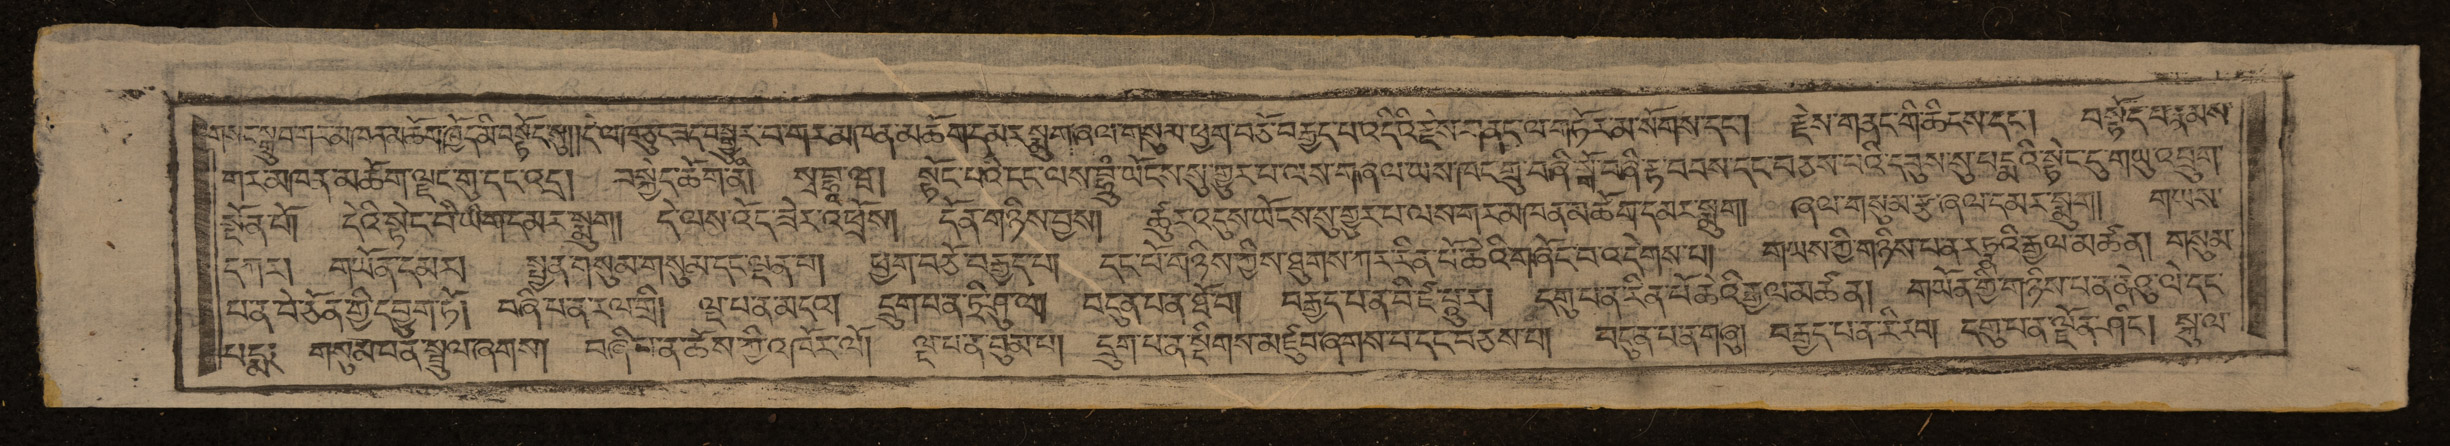གསང་སྒྲུབ་གར་མཁན་མཆོག་ཁྱོད་མི་བསྟོད་སུ། །དེ་ལ་ཁ་ཅུང་ཟད་བསྒྱུར་བ་གར་མཁན་མཆོག་དམར་སྨུག་ཞལ་གསུམ་ཕྱག་བཅོ་བརྒྱད་པ་འདིའི་རྗེས་གནང་ལ་གཏོར་མ་སོགས་དང་། རྗེས་གནང་གི་ཆིངས་དང་། བསྟོད་པ་རྣམས་
གར་མཁན་མཆོག་ལྗང་གུ་དང་འདྲ། བསྐྱེད་ཆོག་ནི། སྭབྷཱ་ཝ། སྟོང་པའི་ངང་ལས་བྷྲུཾ་ཡོངས་སུ་གྱུར་པ་ལས་གཞལ་ཡས་ཁང་གྲུ་བཞི་སྒོ་བཞི་རྟ་བབས་དང་བཅས་པའི་དབུས་སུ་པདམའི་སྟེང་དུ་གཡུ་འབྲུག་
སྔོན་པོ། དེའི་སྟེང་བཻ་ཡིག་དམར་སྨུག། དེ་ལས་འོད་ཟེར་འཕྲོས། དོན་གཉིས་བྱས། ཚུར་འདུས་ཡོངས་སུ་གྱུར་པ་ལས་གར་མཁན་མཆོག་དམར་སྨུག། ཞལ་གསུམ་རྩ་ཞལ་དམར་སྨུག། གཡས་
དཀར། གཡོན་དམར། སྤྱན་གསུམ་གསུམ་དང་ལྡན་པ། ཕྱག་བཅོ་བརྒྱད་པ། དང་པོ་གཉིས་ཀྱིས་ཐུགས་ཀར་རིན་པོ་ཆེའི་གཞོང་བ་འདེགས་པ། གཡས་ཀྱི་གཉིས་པ་ན་རཏྣའི་རྒྱལ་མཚན། གསུམ་
པ་ན་བེ་ཅོན་གྱི་དབྱུག་ཏོ། བཞི་པ་ན་རལ་གྲི། ལྔ་པ་ན་མདའ། དྲུག་པ་ན་ཏྲི་ཤུ་ལ། བདུན་པ་ན་ཐོ་བ། བརྒྱད་པ་ན་བི་ཛ་པཱུ་ར། དགུ་པ་ན་རིན་པོ་ཆེའི་རྒྱལ་མཚན། གཡོན་གྱི་གཉིས་པ་ན་ནེའུ་ལེ་དང་
པདམ༑ གསུམ་པ་ན་སྦྲུལ་ཞགས། བཞི་པ་ན་ཆོས་ཀྱི་འཁོར་ལོ། ལྔ་པ་ན་བུམ་པ། དྲུག་པ་ན་སྡིགས་མཛུབ་ཞགས་པ་དང་བཅས་པ། བདུན་པ་ན་གཞུ། བརྒྱད་པ་ན་རི་རབ། དགུ་པ་ན་ལྗོན་ཤིང་། སྐུ་ལ་